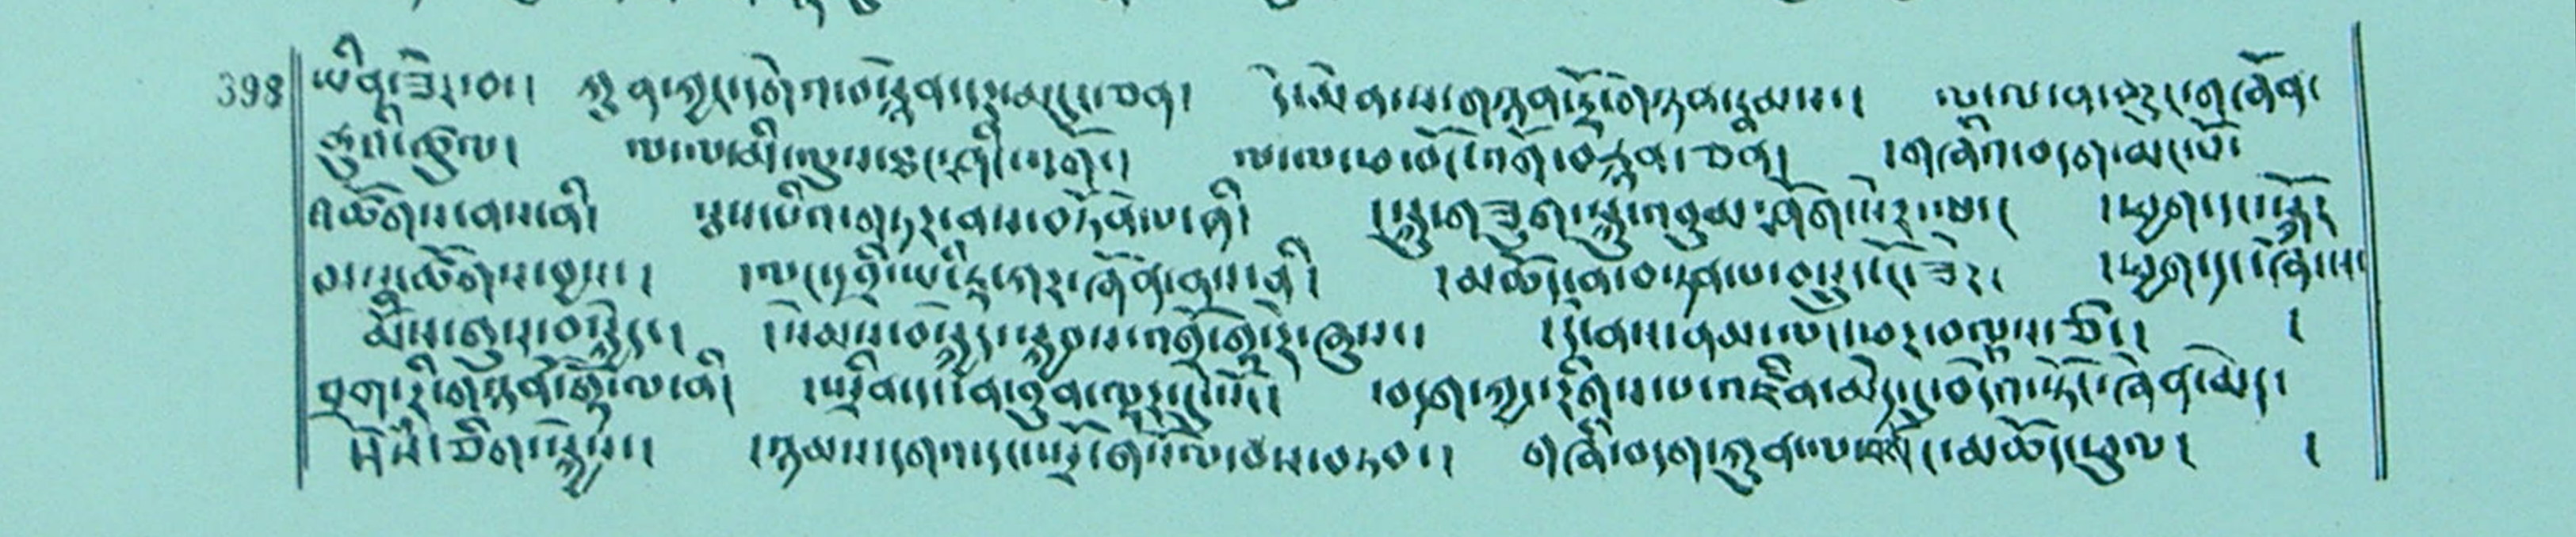ཡིན་ཟེར། ཀུན་ཀྱང་དགེ་བསྙེན་དར་མདུང་ཅན། དེ་མིན་ས་གཉན་རྡོ་གཉན་རྣམས། ལ་ལ་ན་ཆུང་གཞོན་
ནུའི་ཚུལ། ལ་ལ་མི་ལུས་ཐང་ཤིང་འགོ། ལ་ལ་ཕ་བོང་མགོ་བརྙན་ཅན། གཞིའ་བདག་མང་པོ་
འཚོགས་ནས་ནི། སྦས་པའི་གཏེར་རྣམས་བཏོན་པ་ཡིན། སྐུ་གཟུགས་སྐུ་འབུམ་ཤོག་སེར་ལ། ཕྱག་དང་བསྐོར་
བ་སྣ་ཚོགས་བྱས། ལང་དབྲི་ཡི་རྟ་དཀར་ཞོན་ནས་ནི། མཆོད་ན་བསྟན་པ་བསྲུང་ངོ་ཟེར། ཕྱག་དང་ཞེ་ས་
མོས་གུས་བསྐྱེད། སེམས་བསྐྱེད་སྐྱབས་འགྲོ་འགའ་རེ་ཞུ། དེ་ནས་ནམ་ལང་ཕར་བལྟས་ཙམ། 
བྲག་རི་གཉན་གྷོ་ལ་ནི། སྤྲིན་དང་ན་བུན་ལྟར་དུ་སོང་། བདག་ཀྱང་རིག་པ་འཛིན་མེད་དུ་བདེའ་སྟོང་ཞེན་མེད་
སེམས་ཅིག་སྐྱེས། ཉམས་དགའ་དང་སྤྲོ་གསོལ་བས་གདབ། གཞི་བདག་ཀུན་ལ་བསང་མཆོད་འབུམ།